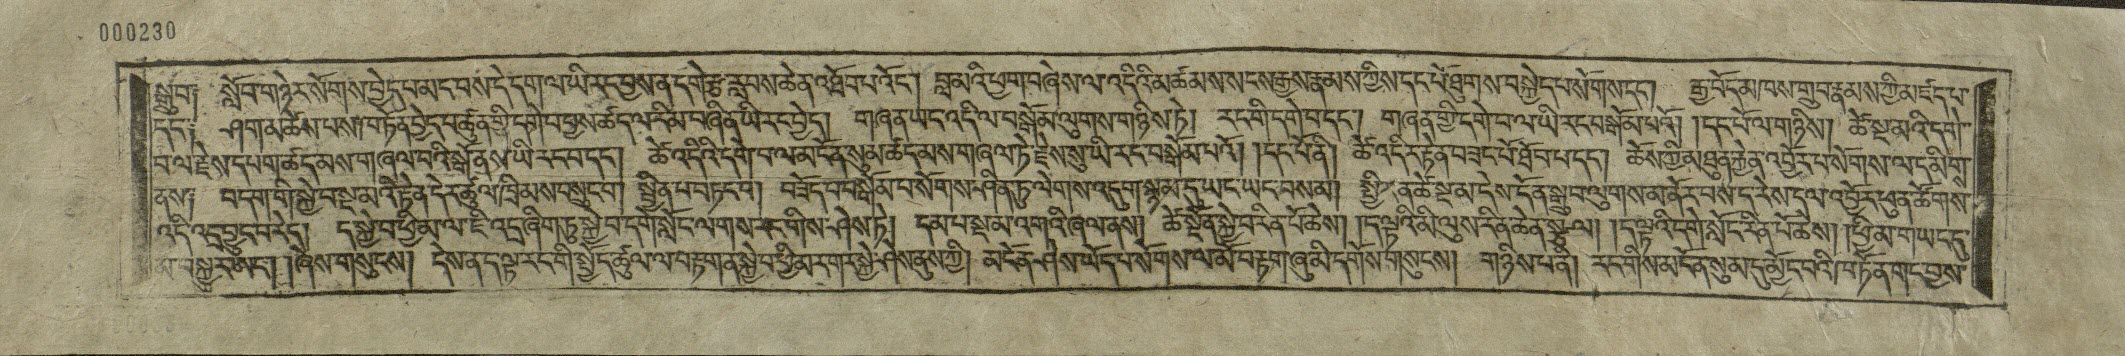སྒྲུབ༑ སློབ་གཉེར་སོགས་བྱེད་པ་མང་བས་དེ་དག་ལ་ཡི་རང་བྱས་ན་དགེ་རྩ་རླབས་ཆེན་འཐོབ་པ་འོང་། བླ་མའི་ཕྱག་བཞེས་ལ་འདིའི་མཚམས་སངས་རྒྱས་རྣམས་ཀྱིས་དང་པོ་ཐུགས་བསྐྱེད་པ་སོགས་དང་། རྒྱ་བོད་མཁས་གྲུབ་རྣམས་ཀྱི་མཛད་པ་
དང༑ ཤག་མཚེས་པས་ཁ་ཏོན་བྱེད་པ་ཚུན་གྱི་དགེ་བ་བྱས་ཚད་ལ་རིམ་བཞིན་ཡི་རང་བྱེད། གཞན་ཡང་འདི་ལ་བསྒོམ་ལུགས་གཉིས་ཏེ། རང་གི་དགེ་བ་དང་། གཞན་གྱི་དགེ་བ་ལ་ཡི་རང་བསྒོམ་པའོ། །དང་པོ་ལ་གཉིས། ཚེ་སྔ་མའི་དགེ་
བ་ལ་རྗེས་དཔག་ཚད་མས་གཞལ་བའི་སྒོ་ནས་ཡི་རང་བ་དང་། ཚེ་འདིའི་དགེ་བ་ལ་མངོན་སུམ་ཚད་མས་གཞལ་ཏེ་རྗེས་སུ་ཡི་རང་བསྒོམ་པའོ། །དང་པོ་ནི། ཚེ་འདིར་རྟེན་བཟང་པོ་ཐོབ་པ་དང་། ཆོས་ཀྱི་མཐུན་རྐྱེན་འབྱོར་པ་སོགས་ལ་དམིགས་
ནས༑ བདག་གི་སྐྱེ་བ་སྔ་མའི་རྟེན་དེར་ཚུལ་ཁྲིམས་བསྲུང་བ། སྦྱིན་པ་བཏང་བ། བཟོད་པ་བསྒོམ་པ་སོགས་ཤིན་ཏུ་ལེགས་འདུག་སྙམ་དུ་ཡང་ཡང་བསམ། སྤྱིར་ན་ཚེ་སྔ་མ་དེས་དོན་སྒྲུབ་ལུགས་མ་ནོར་བས་ད་རེས་དལ་འབྱོར་ཕུན་ཚོགས་
འདི་འདྲ་བྱུང་བ་རེད། ད་སྐྱེ་བ་ཕྱི་མ་ལ་ཇི་འདྲ་ཞིག་ཏུ་སྐྱེ་བ་དགེ་སློང་ལགས་རང་གིས་ཤེས་ཏེ། དམ་པ་སྔ་མ་འགའི་ཞལ་ནས། ཚེ་སྔོན་སྐྱེ་བ་རིན་པོ་ཆེས། །ད་ལྟའི་མི་ལུས་རིན་ཆེན་སྩལ། །ད་ལྟའི་དགེ་སློང་རིན་པོ་ཆེས། །ཕྱི་མ་གཡང་དུ་
མ་བསྐྱུར་ཨང་། །ཞེས་གསུངས། དེས་ན་ད་ལྟ་རང་གི་སྤྱོད་ཚུལ་ལ་བརྟག་ན་སྐྱེ་བ་ཕྱི་མར་གར་སྐྱེ་ཤེས་ནུས་ཀྱི། མངོན་ཤེས་ཡོད་པ་སོགས་ལ་མོ་བརྟག་ཞུ་མི་དགོས་གསུངས། གཉིས་པ་ནི། རང་གིས་མངོན་སུམ་དུ་མྱོང་བའི་ཁ་ཏོན་གང་བྱས་